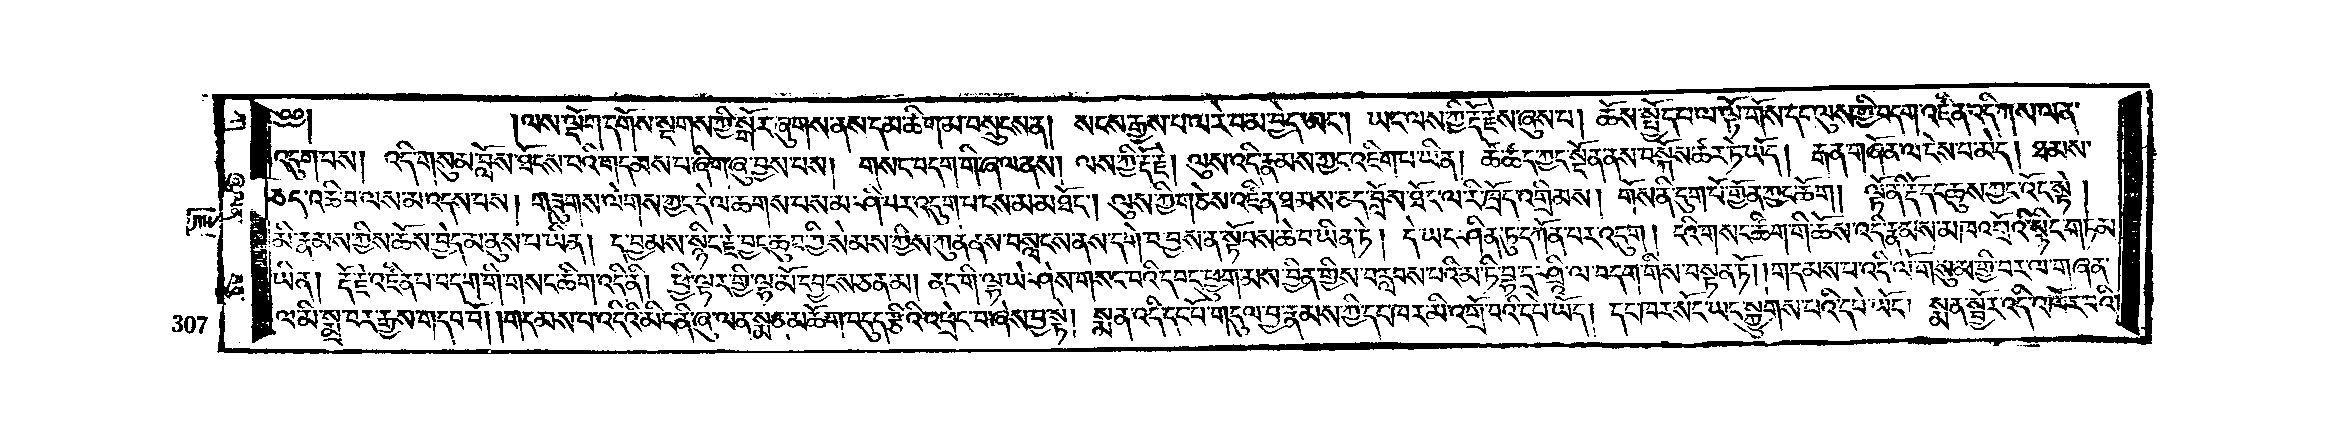༄༅། །ལས་ལྡོག་དགོས་སྔགས་ཀྱི་སྒོར་ཞུགས་ནས་དམ་ཚིག་མ་བསྲུངས་ན། སངས་རྒྱས་པ་ལ་རེ་བ་མ་བྱེད་ཨང་། ཡང་ལས་ཀྱི་རྡོ་རྗེས་ཞུས་པ། ཆོས་སྤྱོད་པ་ལ་ལྟོ་གོས་དང་ལུས་ཀྱི་བདག་འཛིན་འདི་གས་ལན་
ཀྱང་འཇིག་པ་ཡིན། ཚེ་ཚད་ཀྱང་སྔོན་ནས་བསྐོས་ཚར་ཏེ་ཡོད། པས། གསང་བདག་གི་ཞལ་ནས། ལས་ཀྱི་རྡོ་རྗེ། ལུས་འདི་རྣམས་ཀྱང་འཇིག་པ་ཡིན། ཚེ་ཚད་ཀྱང་སྔོན་ནས་བསྐོས་ཚར་ཏེ་ཡོད། རྒན་གཞོན་ལ་ངེས་པ་མེད། ཐམས་
ཅད་འཆི་བ་ལས་མ་འདས་པས། གཟུགས་ལེགས་ཀྱང་དེ་ལ་ཆགས་པས་མ་ཤི་པར་འདུག་པ་ངས་མ་མཐོང་། ལུས་ཀྱི་གཅེས་འཛིན་ཐམས་ཅད་བློས་ཐོང་ལ་རི་ཁྲོད་འགྲིམས། གོས་ནི་དུག་པོ་གྱོན་ཀྱང་ཆོག །ལྟོ་ནི་རྡོ་དང་ཆུས་ཀྱང་འོང་སྟེ།
མི་རྣམས་ཀྱིས་ཆོས་བྱེད་མ་ནུས་པ་ཡིན། ད་བྱམས་སྙིང་རྗེ་བྱང་ཆུབ་ཀྱི་སེམས་ཀྱིས་ཀུན་ནས་བསླངས་ནས་དགེ་བ་བྱས་ན་སྟོབས་ཆེ་བ་ཡིན་ཏེ། དེ་ཡང་ཤིན་ཏུ་དཀོན་པར་འདུག །ངའི་གསང་ཚིག་གི་ཆོས་འདི་རྣམས་མཁའ་གྲོའི་སྙིང་གཏམ་
ཡིན། རྡོ་རྗེ་འཛིན་པ་བདག་གི་གསང་ཚིག་འདི་ནི། ཕྱི་ལྟར་གྱི་ལྷ་མོ་དབྱངས་ཅན་མ། ནང་གི་ལྷ་ཡེ་ཤེས་གསང་བའི་དབང་ཕྱུག་མས་བྱིན་གྱིས་བརླབས་པའི་མ་ཏི་བྷ་དྲ་ཤྲཱི་ལ་བདག་གིས་བསྟན་ཏོ། །གདམས་པ་འདི་ལོ་གསུམ་གྱི་བར་ལ་གཞན་
ལ་མི་སྨྲ་བར་རྒྱས་གདབ་བོ། །གདམས་པ་འདིའི་མིང་ནི་ཞུ་ལན་སྨན་མཆོག་བདུད་རྩིའི་འཕྲེང་བ་ཞེས་བྱ་སྟེ། སྨན་འདི་དང་པོ་གདུལ་བྱ་རྣམས་ཀྱི་དང་ཁར་མི་འགྲོ་བའི་དཔེ་ཡོད། དང་ཁར་སོང་ཡང་སྐྱུགས་པའི་དཔེ་ཡོད། སྨན་སྦྱོར་འདི་འཁོར་བའི་